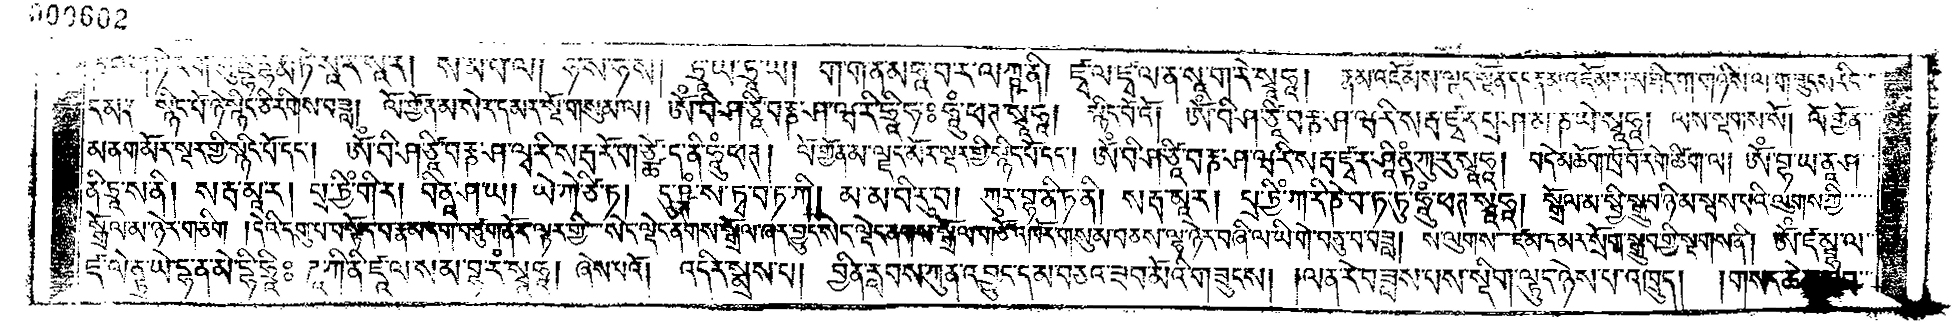ཎ་བི་ག་ཏི་ར་ག་བུདྡྷ་དྷརྨ་ཏེ་སཱ་ར་སཱ་ར། ས་མ་བ་ལ། ཧ་ས་ཧ་ས། ཏྲཱ་ཡ་ཏྲཱ་ཡ། ག་ག་ན་མཧཱ་བ་ར་ལཀྵ་ནི། ཛྭ་ལ་ཛྭ་ལ་ན་སཱ་ག་རེ་སྭཱཧཱ། རྣམ་འཇོམས་ལྗང་སྔོན་དང་རྣམ་འཇོམས་མཐིང་ག་གཉིས་ལ་གཟུངས་རིང་
དམ༑ སྙིང་པོ་ཉེ་སྙིང་ཅི་རིགས་བཟླ། ལོ་གྱོན་མ་སེར་དམར་སྔོ་གསུམ་ལ། ཨོཾ་བི་ཤ་ཙཱི་བརྞ་ཤ་ཝ་རི་ཧྲཱི་ཧཿ ཧཱུཾ་ཕཊ་སྭཱཧཱ། སྙིང་པོའོ།  ཨོཾ་བི་ཤ་ཙཱི་བརྞ་ཤ་ཝ་རི་སརྦ་ཛྭ་ར་པྲ་ཤ་མ་ཎ་ཡེ་སྭཱཧཱ། ལས་སྔགས་སོ། ལོ་གྱོན་
མ་ནག་མོར་སྔར་གྱི་སྙིང་པོ་དང་། ཨོཾ་བི་ཤ་ཙཱི་བརྞ་ཤ་ཝ་རི་སརྦ་རོ་ག་ཙྪེ་ད་ནི་ཧཱུཾ་ཕཊ། ལོ་གྱོན་མ་ལྗང་མོར་སྔར་གྱི་སྙིང་པོ་དང་།  ཨོཾ་བི་ཤ་ཙཱི་བརྞ་ཤ་ཝ་རི་སརྦ་ཛྭ་ར་ཤཱིནྟཾ་ཀུ་རུ་སྭཱཧཱ། བདེ་མཆོག་ཁྲོ་བོ་རེག་ཚིག་ལ།  ཨོཾ་བྷ་ཡ་ནཱ་ཤ་
ནི་ཏྲཱ་ས་ནི། སརྦ་མཱ་ར། པྲ་ཏྱིཾ་གི་ར། བི་ནཱ་ཤ་ཡ། ཡེ་ཀེ་ཙི་ཏ། དུ་ཥྚཾ་ས་ཏྭ་བ་ཏ་ཀི། མ་མ་བི་རུ་བ། ཀུར་བྷ་ནི་ཏ་ནི། སརྦ་མཱ་ར། པྲ་ཏྱིཾ་ཀ་རི་ཎེ་བ་ཏ་ཏུ་ཧཱུཾ་ཕཊ་སྭཱཧཱ། སྒྲོལ་མ་སྤྱི་སྒྲུབ་ཉི་མ་སྦས་པའི་ལུགས་ཀྱི་
སྒྲོལ་མ་ཉེར་གཅིག །དེའི་དགུ་པ་བསྟོད་པ་རྣམ་དག་བཙུག་ནོར་ལྟར་གྱི་སེང་ལྡེང་ནགས་སྒྲོལ་ཞར་བྱུང་སེང་ལྡེང་ནགས་སྒྲོལ་གཙོ་འཁོར་གསུམ་བཅས་ལྷ་ཉེར་བཞི་ལ་ཡི་གེ་བཅུ་བ་བཟླ། ས་ལུགས་ཛམ་དམར་སྲོག་སྒྲུབ་ཀྱི་སྔགས་ནི། ཨོཾ་ཛམྦྷ་ལ་
ཛ་ལེནྟྲ་ཡེ་དྷ་ན་མེ་དྷི་ཧྲཱིཿ ཌཱ་ཀི་ནི་ཛཱ་ལ་ས་མ་བྷ་རཾ་སྭཱཧཱ། ཞེས་པའོ།  འདིར་སྨྲས་པ། བྱིན་རླབས་ཀུན་འབྱུང་དམ་བཅའ་ཟབ་མོའི་གཟུངས། །ལན་རེ་བཟླས་པས་སྡིག་ལྟུང་ཉེས་པ་འཁྲུད། །གསང་ཆེན་ཟབ་